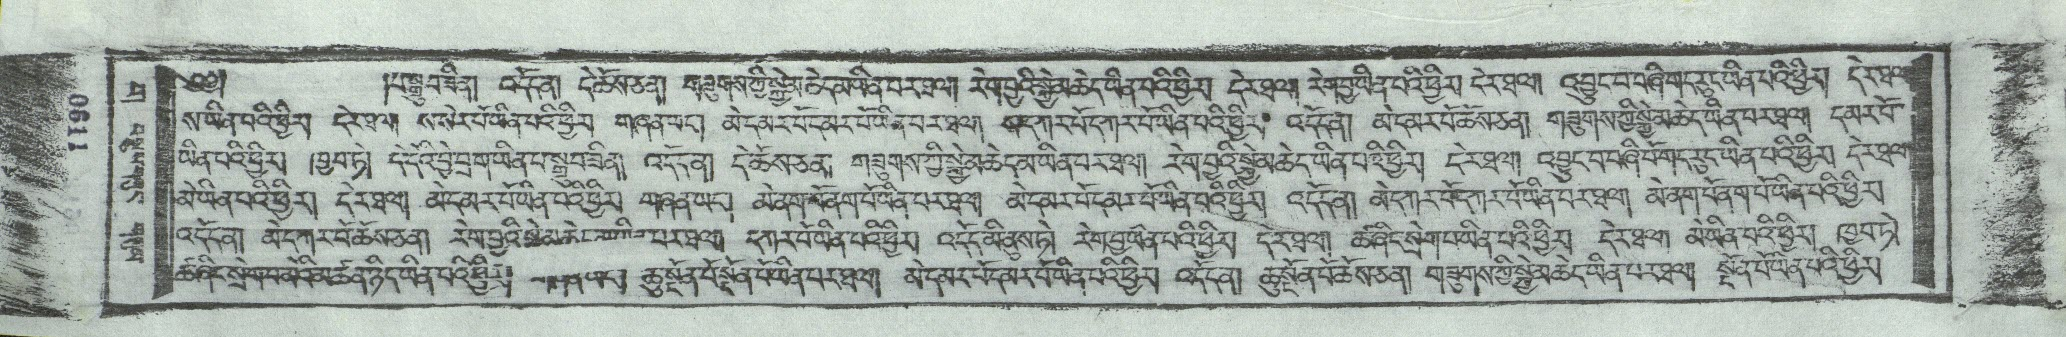༄༅། །པ་སྒྲུབ་ཟིན། འདོད་ན། དེ་ཆོས་ཅན། གཟུགས་ཀྱི་སྐྱེ་མཆེད་མ་ཡིན་པར་ཐལ། རེག་བྱའི་སྐྱེ་མཆེད་ཡིན་པའི་ཕྱིར། དེར་ཐལ། རེག་བྱ་ཡིན་པའི་ཕྱིར། དེར་ཐལ། འབྱུང་བ་བཞི་གང་རུང་ཡིན་པའི་ཕྱིར། དེར་ཐལ་
ས་ཡིན་པའི་ཕྱིར། དེར་ཐལ། ས་སེར་པོ་ཡིན་པའི་ཕྱིར། གཞན་ཡང་། མེ་དམར་པོ་དམར་པོ་ཡིན་པར་ཐལ། ས་དཀར་པོ་དཀར་པོ་ཡིན་པའི་ཕྱིར། འདོད་ན། མེ་དམར་པོ་ཆོས་ཅན། གཟུགས་ཀྱི་སྐྱེ་མཆེད་ཡིན་པར་ཐལ། དམར་པོ་
ཡིན་པའི་ཕྱིར། ཁྱབ་ཏེ། དེ་དེའི་བྱེ་བྲག་ཡིན་པ་སྒྲུབ་ཟིན། འདོད་ན། དེ་ཆོས་ཅན། གཟུགས་ཀྱི་སྐྱེ་མཆེད་མ་ཡིན་པར་ཐལ། རེག་བྱའི་སྐྱེ་མཆེད་ཡིན་པའི་ཕྱིར། དེར་ཐལ། འབྱུང་བ་བཞི་པོ་གང་རུང་ཡིན་པའི་ཕྱིར། དེར་ཐལ་
མེ་ཡིན་པའི་ཕྱིར། དེར་ཐལ། མེ་དམར་པོ་ཡིན་པའི་ཕྱིར། གཞན་ཡང་། མེ་ནག་པོ་ནག་པོ་ཡིན་པར་ཐལ། མེ་དམར་པོ་དམར་པོ་ཡིན་པའི་ཕྱིར། འདོད་ན། མེ་དཀར་པོ་དཀར་པོ་ཡིན་པར་ཐལ། མེ་ནག་པོ་ནག་པོ་ཡིན་པའི་ཕྱིར།
འདོད་ན། མེ་དཀར་པོ་ཆོས་ཅན། རེག་བྱའི་སྐྱེ་མཆེད་མ་ཡིན་པར་ཐལ། དཀར་པོ་ཡིན་པའི་ཕྱིར། འདོད་མི་ནུས་ཏེ། རེག་བྱ་ཡིན་པའི་ཕྱིར། དེར་ཐལ། ཚ་ཞིང་སྲེག་པ་ཡིན་པའི་ཕྱིར། དེར་ཐལ། མེ་ཡིན་པའི་ཕྱིར། ཁྱབ་ཏེ།
ཚ་ཞིང་སྲེག་པ་མོའི་མཚན་ཉིད་ཡིན་པའི་ཕྱིར། གཞན་ཡང་། ཆུ་སྔོན་པོ་སྔོན་པོ་ཡིན་པར་ཐལ། མེ་དམར་པོ་དམར་པོ་ཡིན་པའི་ཕྱིར། འདོད་ན། ཆུ་སྔོན་པོ་ཆོས་ཅན། གཟུགས་ཀྱི་སྐྱེ་མཆེད་ཡིན་པར་ཐལ། སྔོན་པོ་ཡིན་པའི་ཕྱིར།